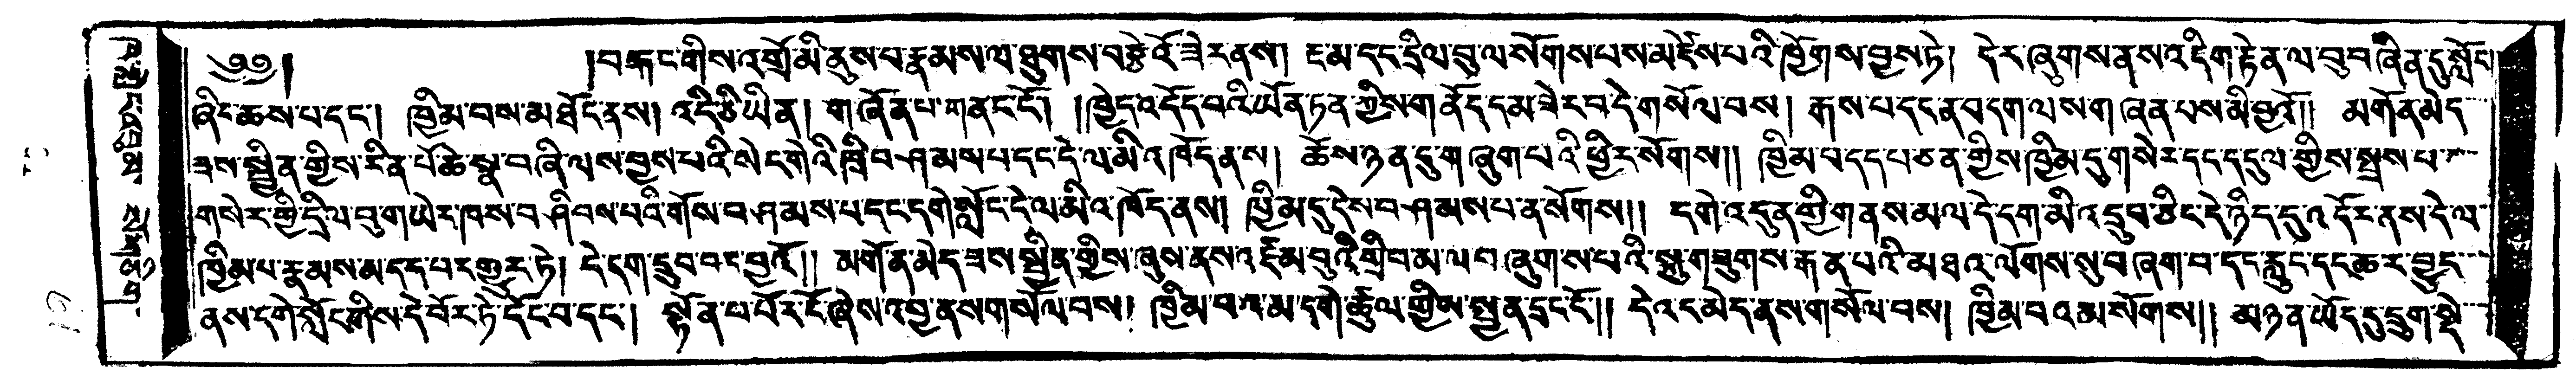༄༅། །བརྐང་གིས་འགྲོ་མི་ནུས་པ་རྣམས་ལ་ཐུགས་བརྩེའོ་ཟེར་ནས། རྔ་མ་དང་དྲིལ་བུ་ལ་སོགས་པས་མཛེས་པའི་ཁྱོགས་བྱས་ཏེ། དེར་ཞུགས་ནས་འཇིག་རྟེན་ལ་བུ་བཞིན་དུ་སློང་
ཞིང་ཆས་པ་དང་། ཁྱིམ་པས་མཐོང་ནས། འདི་ཅི་ཡིན། གཞོན་པ་གནང་ངོ། །ཁྱེད་འདོད་པའི་ཡོན་ཏན་ཀྱིས་གནོད་དམ་ཟེར་བ་དེ་གསོལ་བས། རྒས་པ་དང་ན་བདག་ལས་གཞན་པས་མི་བྱའོ། མགོན་མེད་
ཟས་སྦྱིན་གྱིས་རིན་པོ་ཆེ་སྣ་བཞི་ལས་བྱས་པའི་སེང་གེའི་ཁྲི་བཤམས་པ་དང་དེ་ལ་མི་འཁོད་ནས། ཆོས་ཉན་དུ་གཞུག་པའི་ཕྱིར་སོགས། །ཁྱིམ་པ་དད་པ་ཅན་གྱིས་ཁྱིམ་དུ་གསེར་དང་དངུལ་གྱིས་སྤྲས་པ་
གསེར་གྱི་དྲིལ་བུ་གཡེར་ཁས་བཤིབས་པའི་གོས་བཤམས་པ་དང་དགེ་སློང་དེ་ལ་མི་འཁོད་ནས། ཁྱིམ་དུ་དེས་བཤམས་པ་ན་སོགས། །དགེ་འདུན་གྱི་གནས་མལ་དེ་དག་མི་འདྲུབ་ཅིང་དེ་ཉིད་དུ་འདོར་ནས་དེ་ལ་
ཁྱིམ་པ་རྣམས་མ་དད་པར་གྱུར་ཏེ། དེ་དག་དྲུབ་བར་བྱའོ། །མགོན་མེད་ཟས་སྦྱིན་གྱིས་ཞུས་ནས་འཛམ་བུའི་གྲིབ་མ་ལ་བཞུགས་པའི་སྐུ་གཟུགས་རྒན་པའི་མཐའ་ལོགས་སུ་བཞག་པ་དང་རླུང་དང་ཆར་བྱུང་
ནས་དགེ་སློང་གིས་དེ་བོར་ཏེ་དོང་བ་དང་། སྟོན་པ་པོར་ངོ་ཞེས་འབྱ་ནས་གསོལ་བས། ཁྱིམ་པའམ་དགེ་ཚུལ་གྱིས་སྤྱན་དྲང་ངོ། །དེའང་མེད་ནས་གསོལ་བས། ཁྱིམ་བའམ་སོགས། །མཉན་ཡོད་དུ་དྲུག་སྡེ་